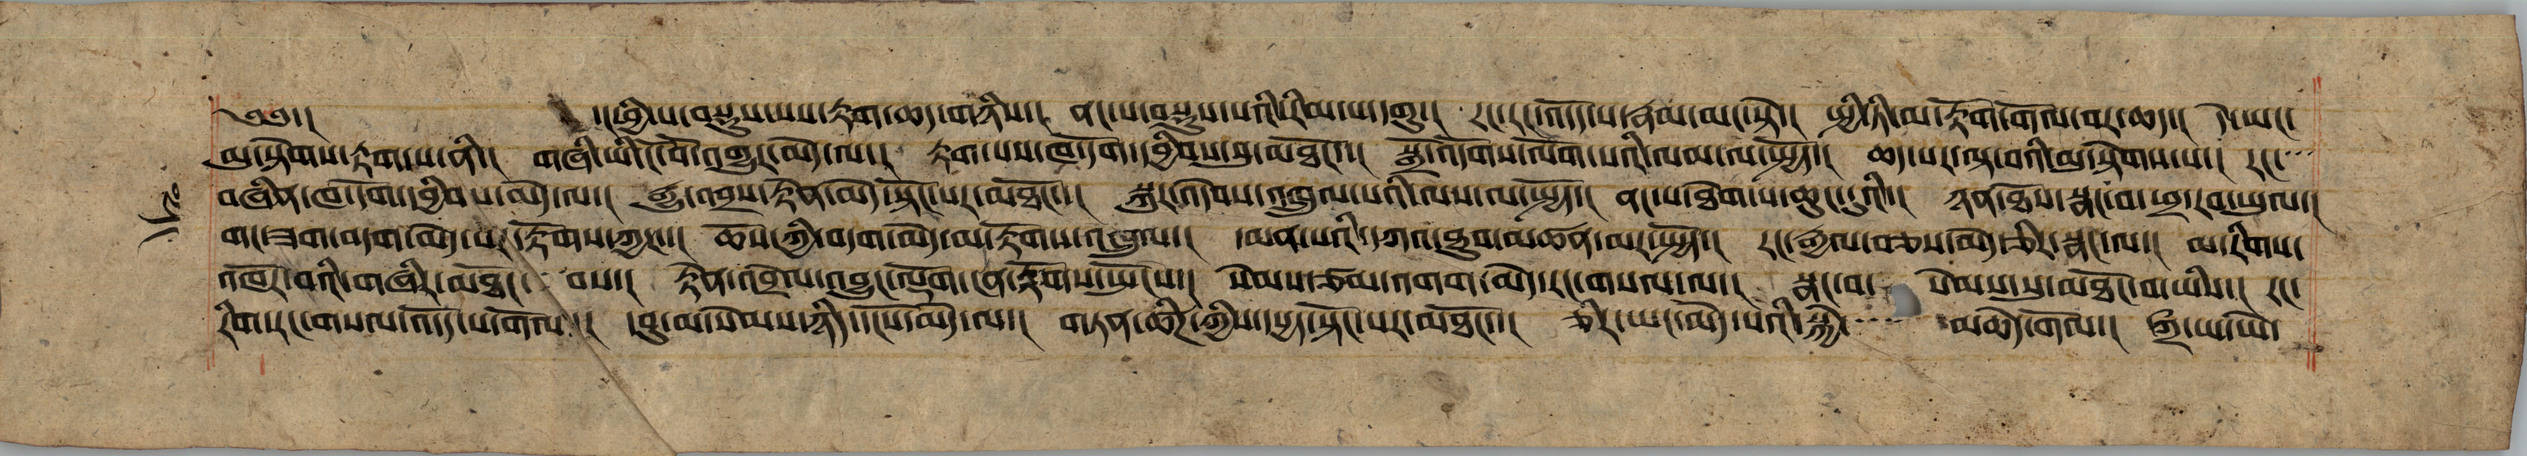༄༅་། ་།ཕྱི་པ་བསྡུས་པས་རྟག་ཆད་གཉིས་། ནང་པ་བསྡུས་པའི་རིམ་པ་དགུ་། རང་རང་འདོད་པ་རྣམ་མང་སྟེ་། སྤྱི་ཏི་མ་རྟོག་གོལ་བར་ཆད་། དེ་ཡང་
མུ་སྟེགས་རྟག་པ་ནི་། གཞི་ཡི་ངོ་བོ་འགྱུར་མེད་ལ་། རྟག་པས་ཁ་དོག་དབྱིབས་སུ་མཐོང་་། སྒྲོ་འདོགས་ལོག་པའི་ལམ་ལ་སྤྱོད་། ཆད་པར་ལྟ་བའི་མུ་སྟེགས་པ་། རང་
བཞིན་ཁ་དོག་དབྱིབས་མེད་ལ་། རྒྱུ་འབྲས་རྟེན་མེད་སྟོང་པར་མཐོང་། སྐུར་འདེབས་འཁྲུལ་པའི་ལས་ལ་སྤྱོད་། ནང་པ་ཐེག་པ་ཆུང་ངུའི་། ཉན་ཐོས་སྣང་བ་ཕྲ་རབ་ཡུལ་།
གང་ཟག་བདག་མེད་སོར་རྟོགས་ཀྱང་་། ཆོས་ཀྱི་བདག་མེད་མ་རྟོགས་འཁྲུལ་། དམན་པའི་དཀའ་ཐུབ་མཚན་མར་སྤྱོད་། རང་རྒྱལ་བཅས་མེད་ཅིར་སྣང་ལ་། མ་རིགས་
འཁོར་བའི་གཞིར་མཐོང་ བས་། རྟེན་འབྲེལ་འབྱུང་ལྡོག་ངན་རྟོགས་སྤོངས་། སེམས་ཙམ་འགག་མེད་རང་གསལ་ལ་། སྣང་བ་ སེམས་སུ་མཐོང་བ་ཡིས་། རང་
རིག་རང་གསལ་འོདད་པ་གོལ།།། དབུ་མ་སེམས་ཉིད་དངོས་མེད་ལ་། གཏན་ཚིཌ་གྱིས་དཔྱད་སྟོང་པར་མཐོང་་། ཅིར་ཡང་མེད་པའི་སྐྱེ་ མཆེད་གོལ་། ཀྲྀ་ཡ་ཡེ་